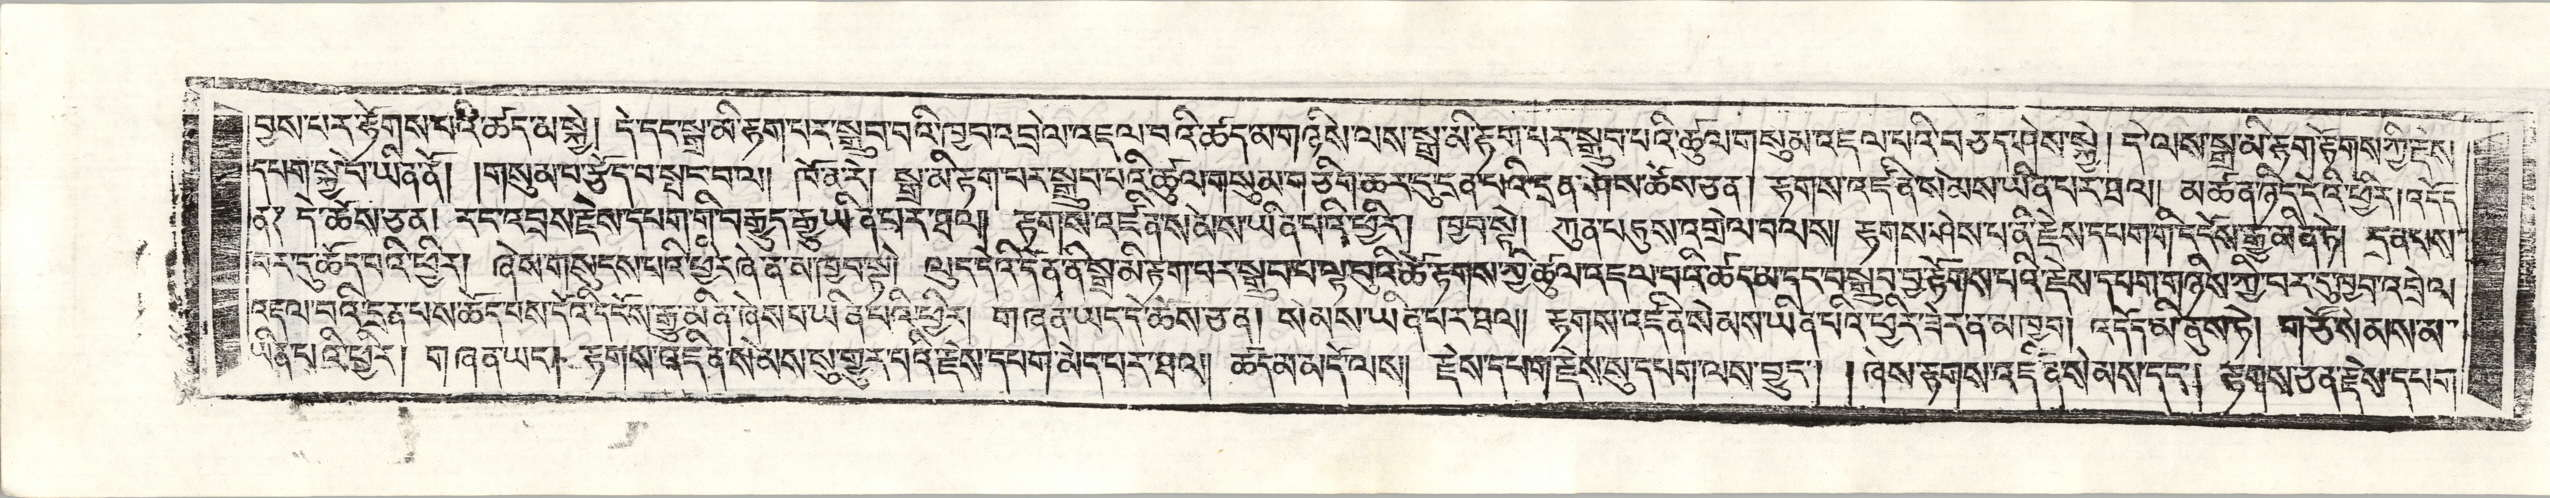བྱས་པར་རྟོགས་པའི་ཚད་མ་སྐྱེ། དེ་དང་སྒྲ་མི་རྟག་པར་སྒྲུབ་པའི་ཁྱབ་འབྲེལ་འཇལ་བའི་ཚད་མ་གཉིས་ལས་སྒྲ་མི་རྟག་པར་སྒྲུབ་པའི་ཚུལ་གསུམ་འཇལ་བའི་བཅད་ཤེས་སྐྱེ། དེ་ལས་སྒྲ་མི་རྟག་རྟོགས་ཀྱི་རྗེས་
དཔག་སྐྱེ་བ་ཡིན་ནོ། །གསུམ་པ་རྩོད་པ་སྤོང་བ་ལ། ཁོ་ན་རེ། སྒྲ་མི་རྟག་པར་སྒྲུབ་པའི་ཚུལ་གསུམ་ཅིག་ཆར་དུ་དྲན་པའི་དྲན་ཤེས་ཆོས་ཅན། རྟགས་འཛིན་སེམས་ཡིན་པར་ཐལ། མཚན་ཉིད་དེའི་ཕྱིར། འདོད་
ན། དེ་ཆོས་ཅན། རང་འབྲས་རྗེས་དཔག་གི་བརྒྱུད་རྒྱུ་ཡིན་པར་ཐལ། རྟགས་འཛིན་སེམས་ཡིན་པའི་ཕྱིར། ཁྱབ་སྟེ། ཀུན་བཏུས་འགྲེལ་བ་ལས། རྟགས་ཤེས་པ་ནི་རྗེས་དཔག་གི་དངོས་རྒྱུ་མིན་ཏེ། དྲན་པས་
བར་དུ་ཆོད་པའི་ཕྱིར། ཞེས་གསུངས་པའི་ཕྱིར་ཞེ་ན་མ་ཁྱབ་སྟེ། ལུང་དེའི་དོན་ནི་སྒྲ་མི་རྟག་པར་སྒྲུབ་པ་ལྟ་བུའི་ཚེ་རྟགས་ཀྱི་ཚུལ་འཇལ་བའི་ཚད་མ་དང་བསྒྲུབ་བྱ་རྟོགས་པའི་རྗེས་དཔག་གཉིས་ཀྱི་བར་དུ་ཁྱབ་འབྲེལ་
འཇལ་བའི་དྲན་པས་ཆོད་པས་དེའི་དངོས་རྒྱུ་མིན་ཞེས་པ་ཡིན་པའི་ཕྱིར། གཞན་ཡང་དེ་ཆོས་ཅན། སེམས་ཡིན་པར་ཐལ། རྟགས་འཛིན་སེམས་ཡིན་པའི་ཕྱིར་ཟེར་ན་མ་ཁྱབ། འདོད་མི་ནུས་ཏེ། གཙོ་སེམས་མ་
ཡིན་པའི་ཕྱིར། གཞན་ཡང་། རྟགས་འཛིན་སེམས་སུ་གྱུར་བའི་རྗེས་དཔག་མེད་པར་ཐལ། ཚད་མ་མདོ་ལས། རྗེས་དཔག་རྗེས་སུ་དཔག་ལས་བྱུང་། །ཞེས་རྟགས་འཛིན་སེམས་དང་། རྟགས་ཅན་རྗེས་དཔག་